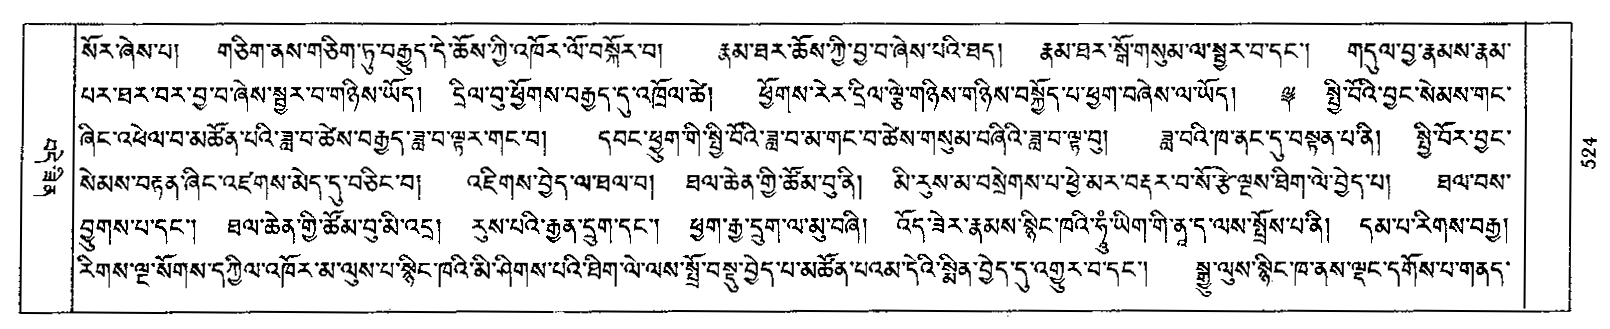སོར་ཞེས་པ། གཅིག་ནས་གཅིག་ཏུ་བརྒྱུད་དེ་ཆོས་ཀྱི་འཁོར་ལོ་བསྐོར་བ། རྣམ་ཐར་ཆོས་ཀྱི་བྱ་བ་ཞེས་པའི་ཐད། རྣམ་ཐར་སྒོ་གསུམ་ལ་སྦྱར་བ་དང་། གདུལ་བྱ་རྣམས་རྣམ་
པར་ཐར་བར་བྱ་བ་ཞེས་སྦྱར་བ་གཉིས་ཡོད། དྲིལ་བུ་ཕྱོགས་བརྒྱད་དུ་འཁྲོལ་ཚེ། ཕྱོགས་རེར་དྲིལ་ལྕེ་གཉིས་གཉིས་བསྐྱོད་པ་ཕྱག་བཞེས་ལ་ཡོད། ༈ སྤྱི་བོའི་བྱང་སེམས་གང་
ཞིང་འཕེལ་བ་མཚོན་པའི་ཟླ་བ་ཚེས་བརྒྱད་ཟླ་བ་ལྟར་གང་བ། དབང་ཕྱུག་གི་སྤྱི་བོའི་ཟླ་བ་མ་གང་བ་ཚེས་གསུམ་བཞིའི་ཟླ་བ་ལྟ་བུ། ཟླ་བའི་ཁ་ནང་དུ་བསྟན་པ་ནི། སྤྱི་བོར་བྱང་
སེམས་བརྟན་ཞིང་འཛགས་མེད་དུ་བཅིང་བ། འཇིགས་བྱེད་ལ་ཐལ་བ། ཐལ་ཆེན་གྱི་ཚོམ་བུ་ནི། མི་རུས་མ་བསྲེགས་པ་ཕྱེ་མར་བརྡར་བ་སོ་རྩེ་ལྔས་ཐིག་ལེ་བྱེད་པ། ཐལ་བས་
བྱུགས་པ་དང་། ཐལ་ཆེན་གྱི་ཚོམ་བུ་མི་འདྲ། རུས་པའི་རྒྱན་དྲུག་དང་། ཕྱག་རྒྱ་དྲུག་ལ་མུ་བཞི། འོད་ཟེར་རྣམས་སྙིང་ཁའི་ཧཱུཾ་ཡིག་གི་ནཱ་ད་ལས་སྤྲོས་པ་ནི། དམ་པ་རིགས་བརྒྱ།
རིགས་ལྔ་སོགས་དཀྱིལ་འཁོར་མ་ལུས་པ་སྙིང་ཁའི་མི་ཤིགས་པའི་ཐིག་ལེ་ལས་སྤྲོ་བསྡུ་བྱེད་པ་མཚོན་པའམ་དེའི་སྨིན་བྱེད་དུ་འགྱུར་བ་དང་། སྒྱུ་ལུས་སྙིང་ཁ་ནས་ལྡང་དགོས་པ་གནད་